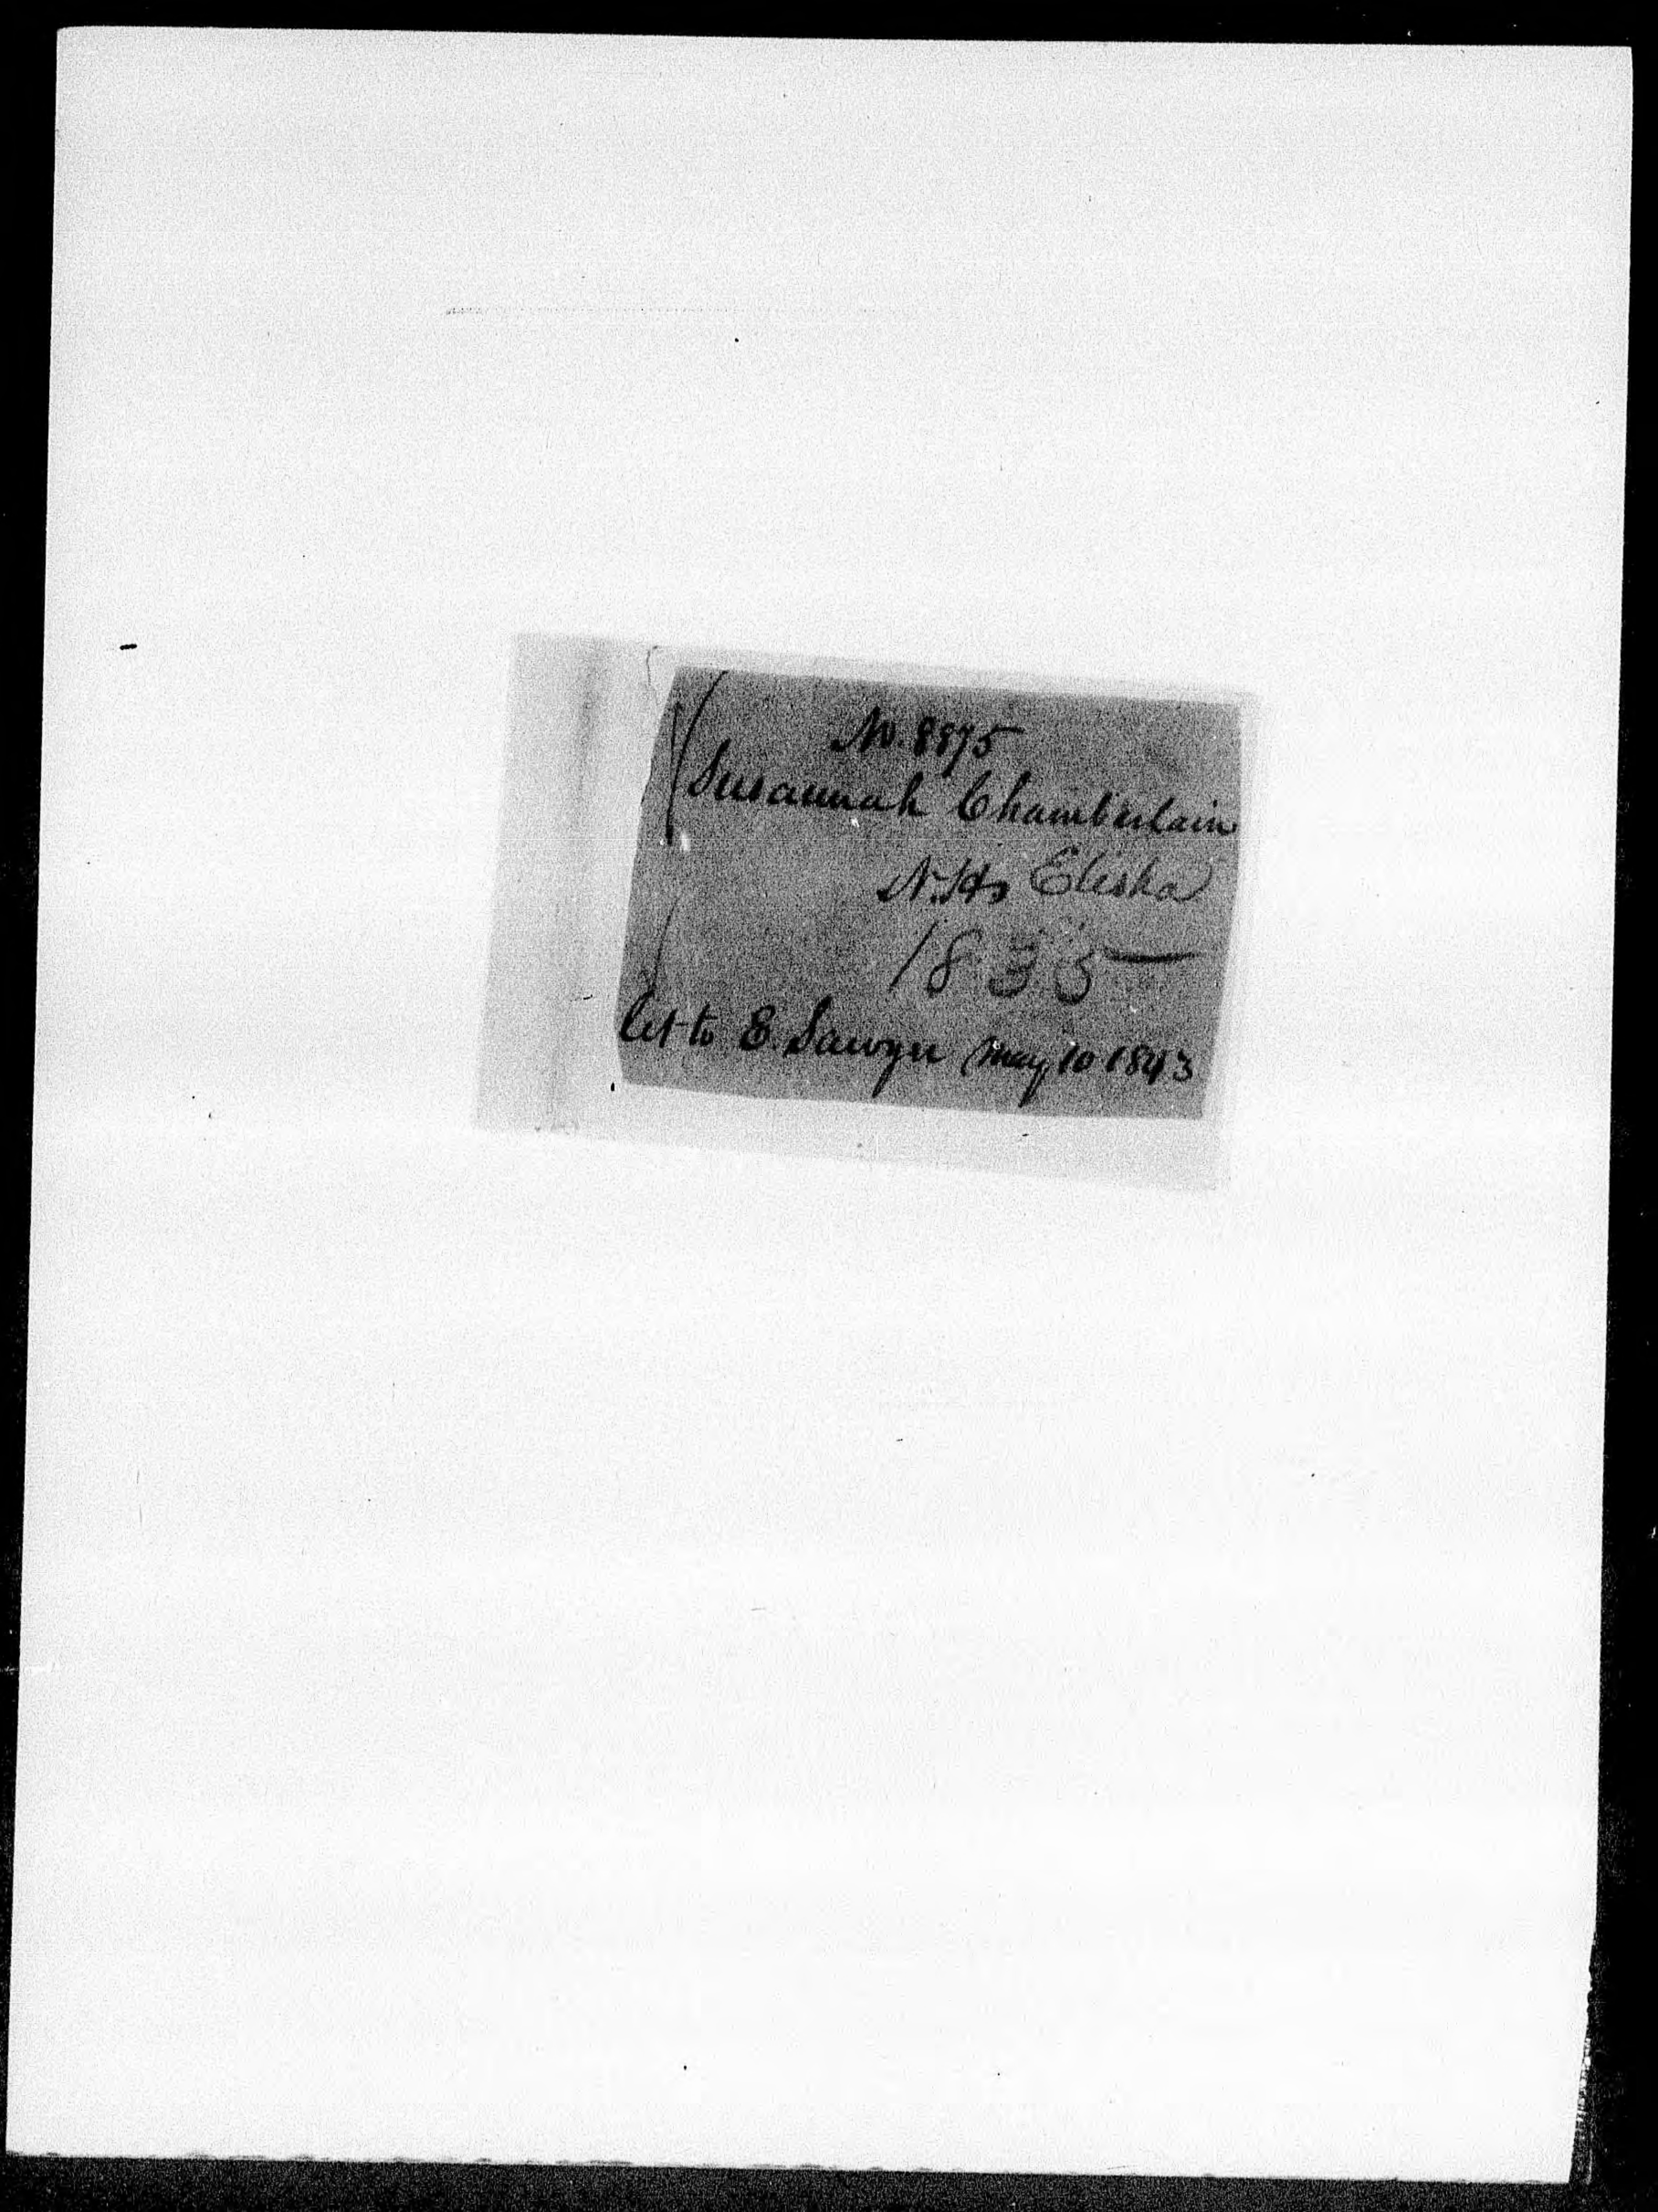No.  8875

Susannah Chamberlain

N.H.  Elisha

1835

let to E. Sawyer  May 10 1843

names: Susannah Chamberlain, E Sawyer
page: 16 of 24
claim: rejected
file: R. 1835, Elisha Chamberlain, Mass.